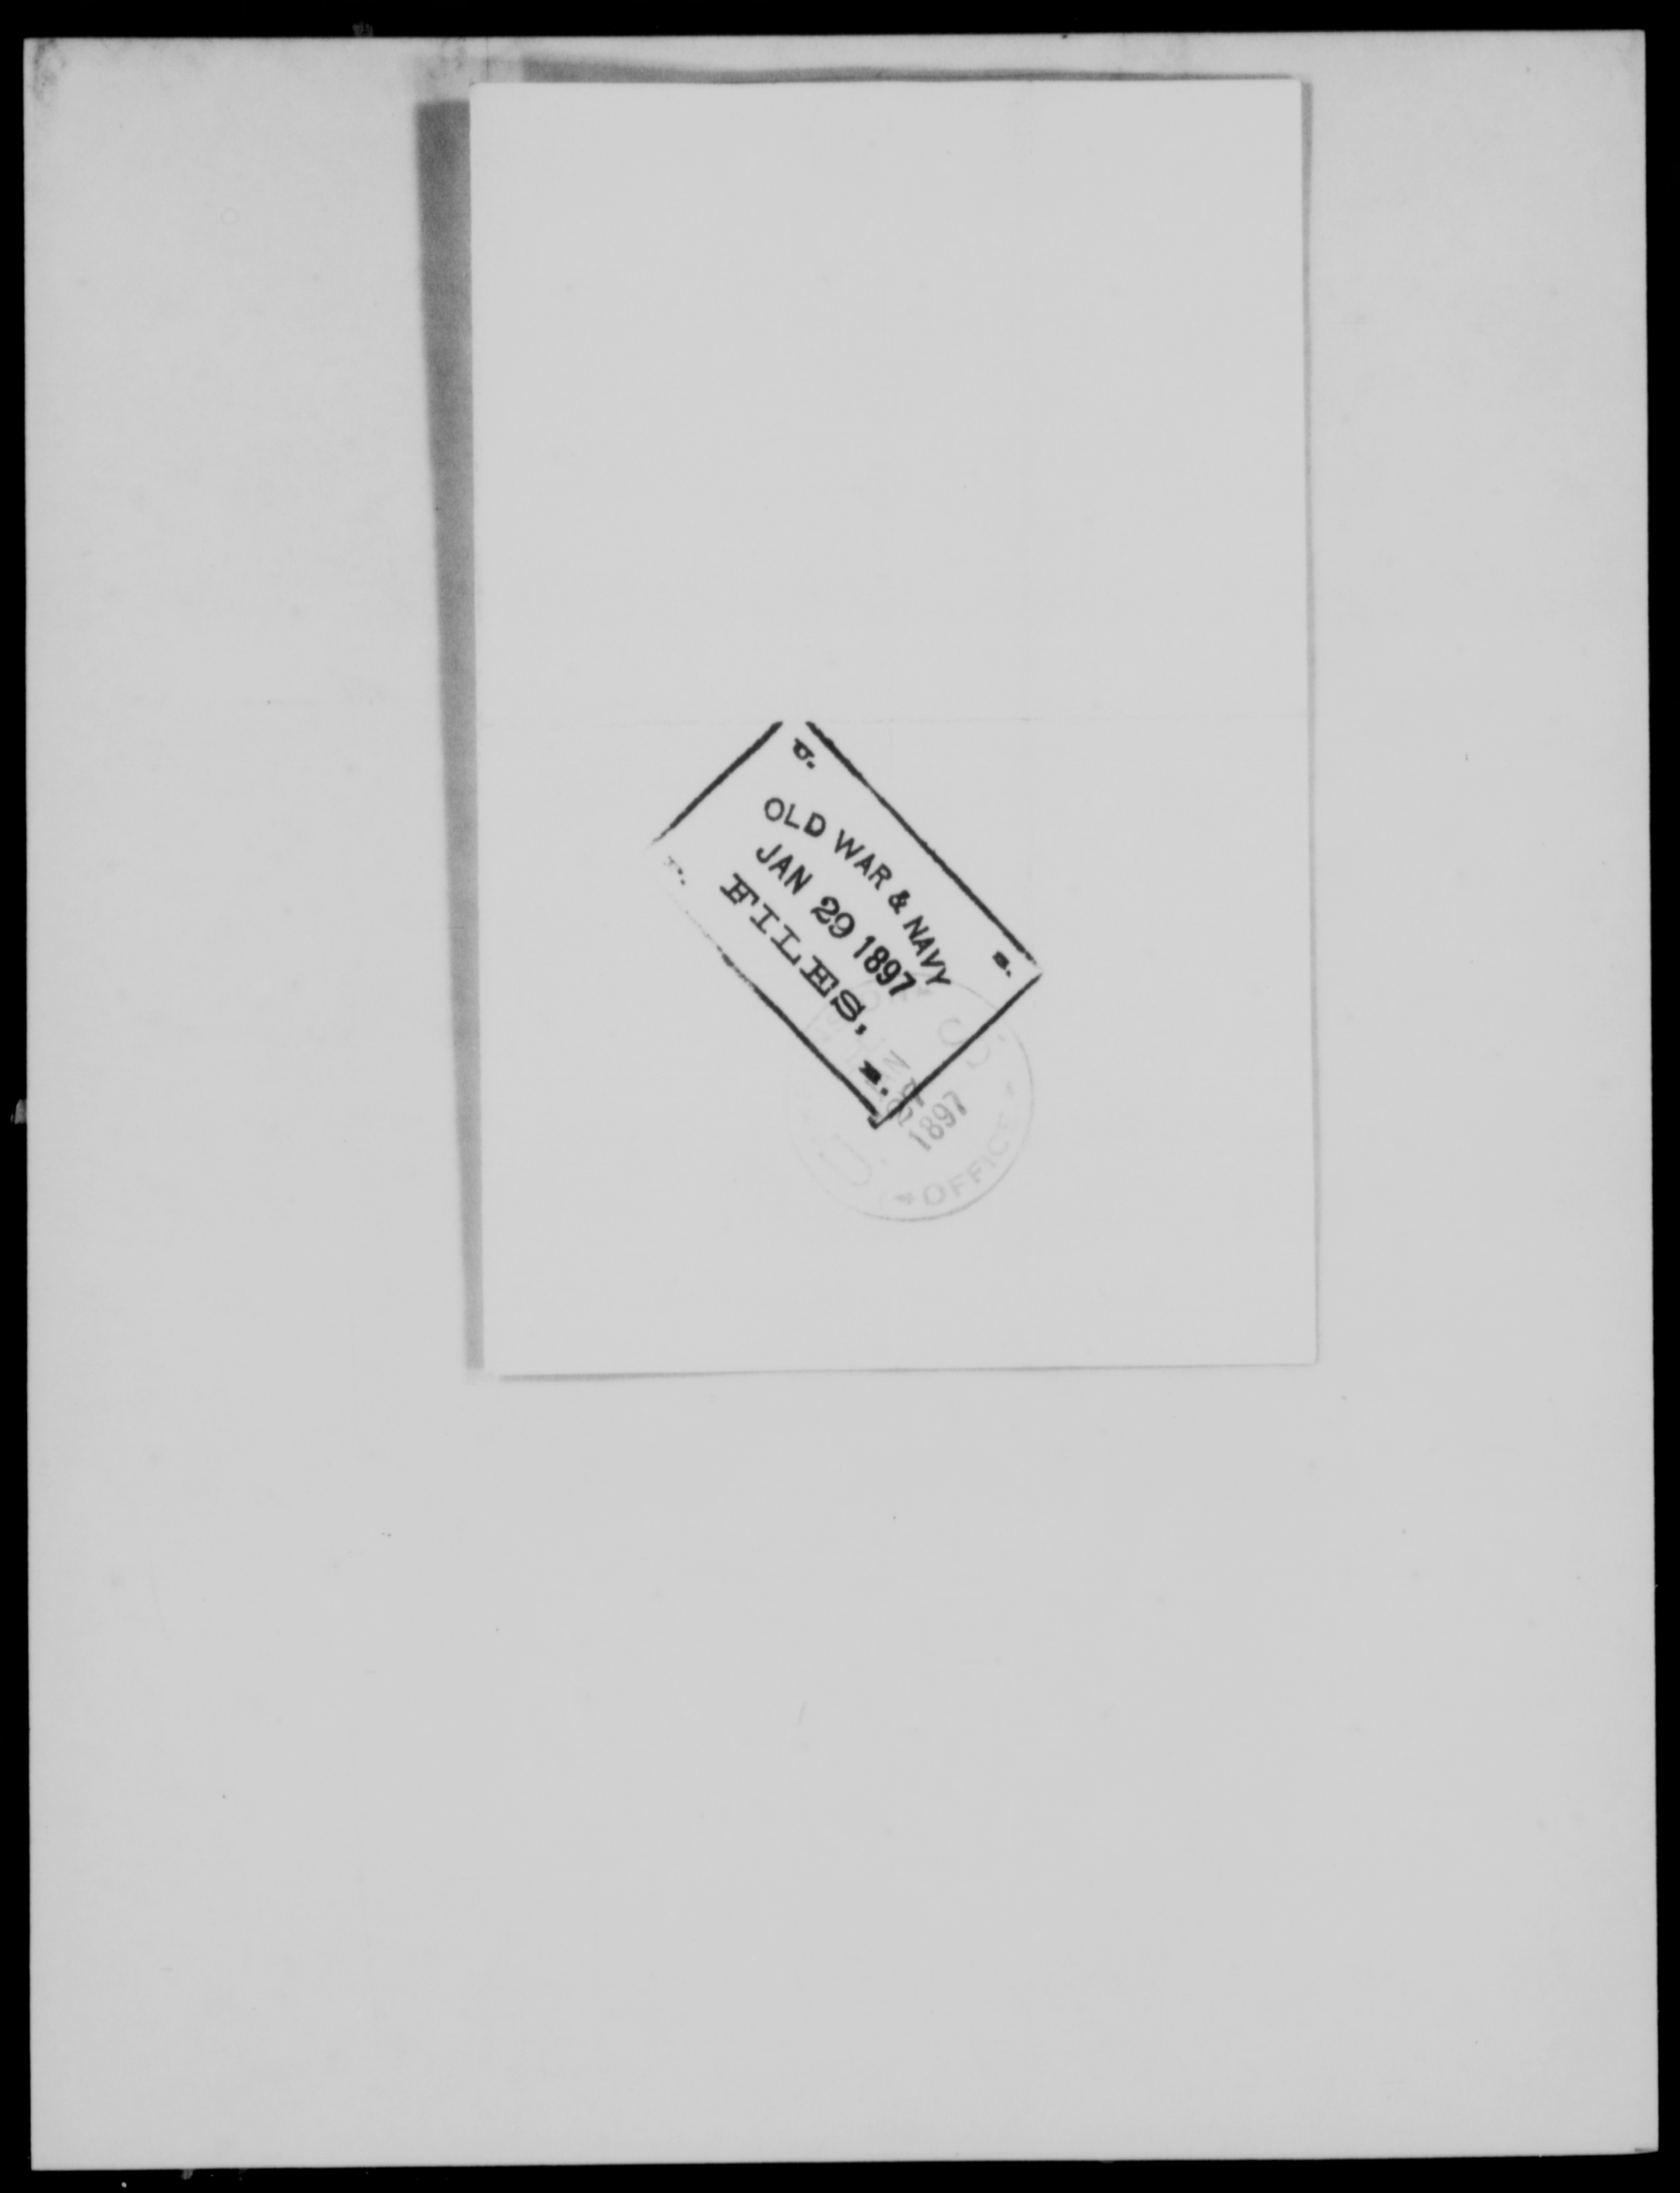OLD WAR & NAVE
JAN 29 1897
FILED

PENSION 
U JAN 27 S
1897
OFFICE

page: 17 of 20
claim: survivor's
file: S. 11778, Silas Williams, Mass.